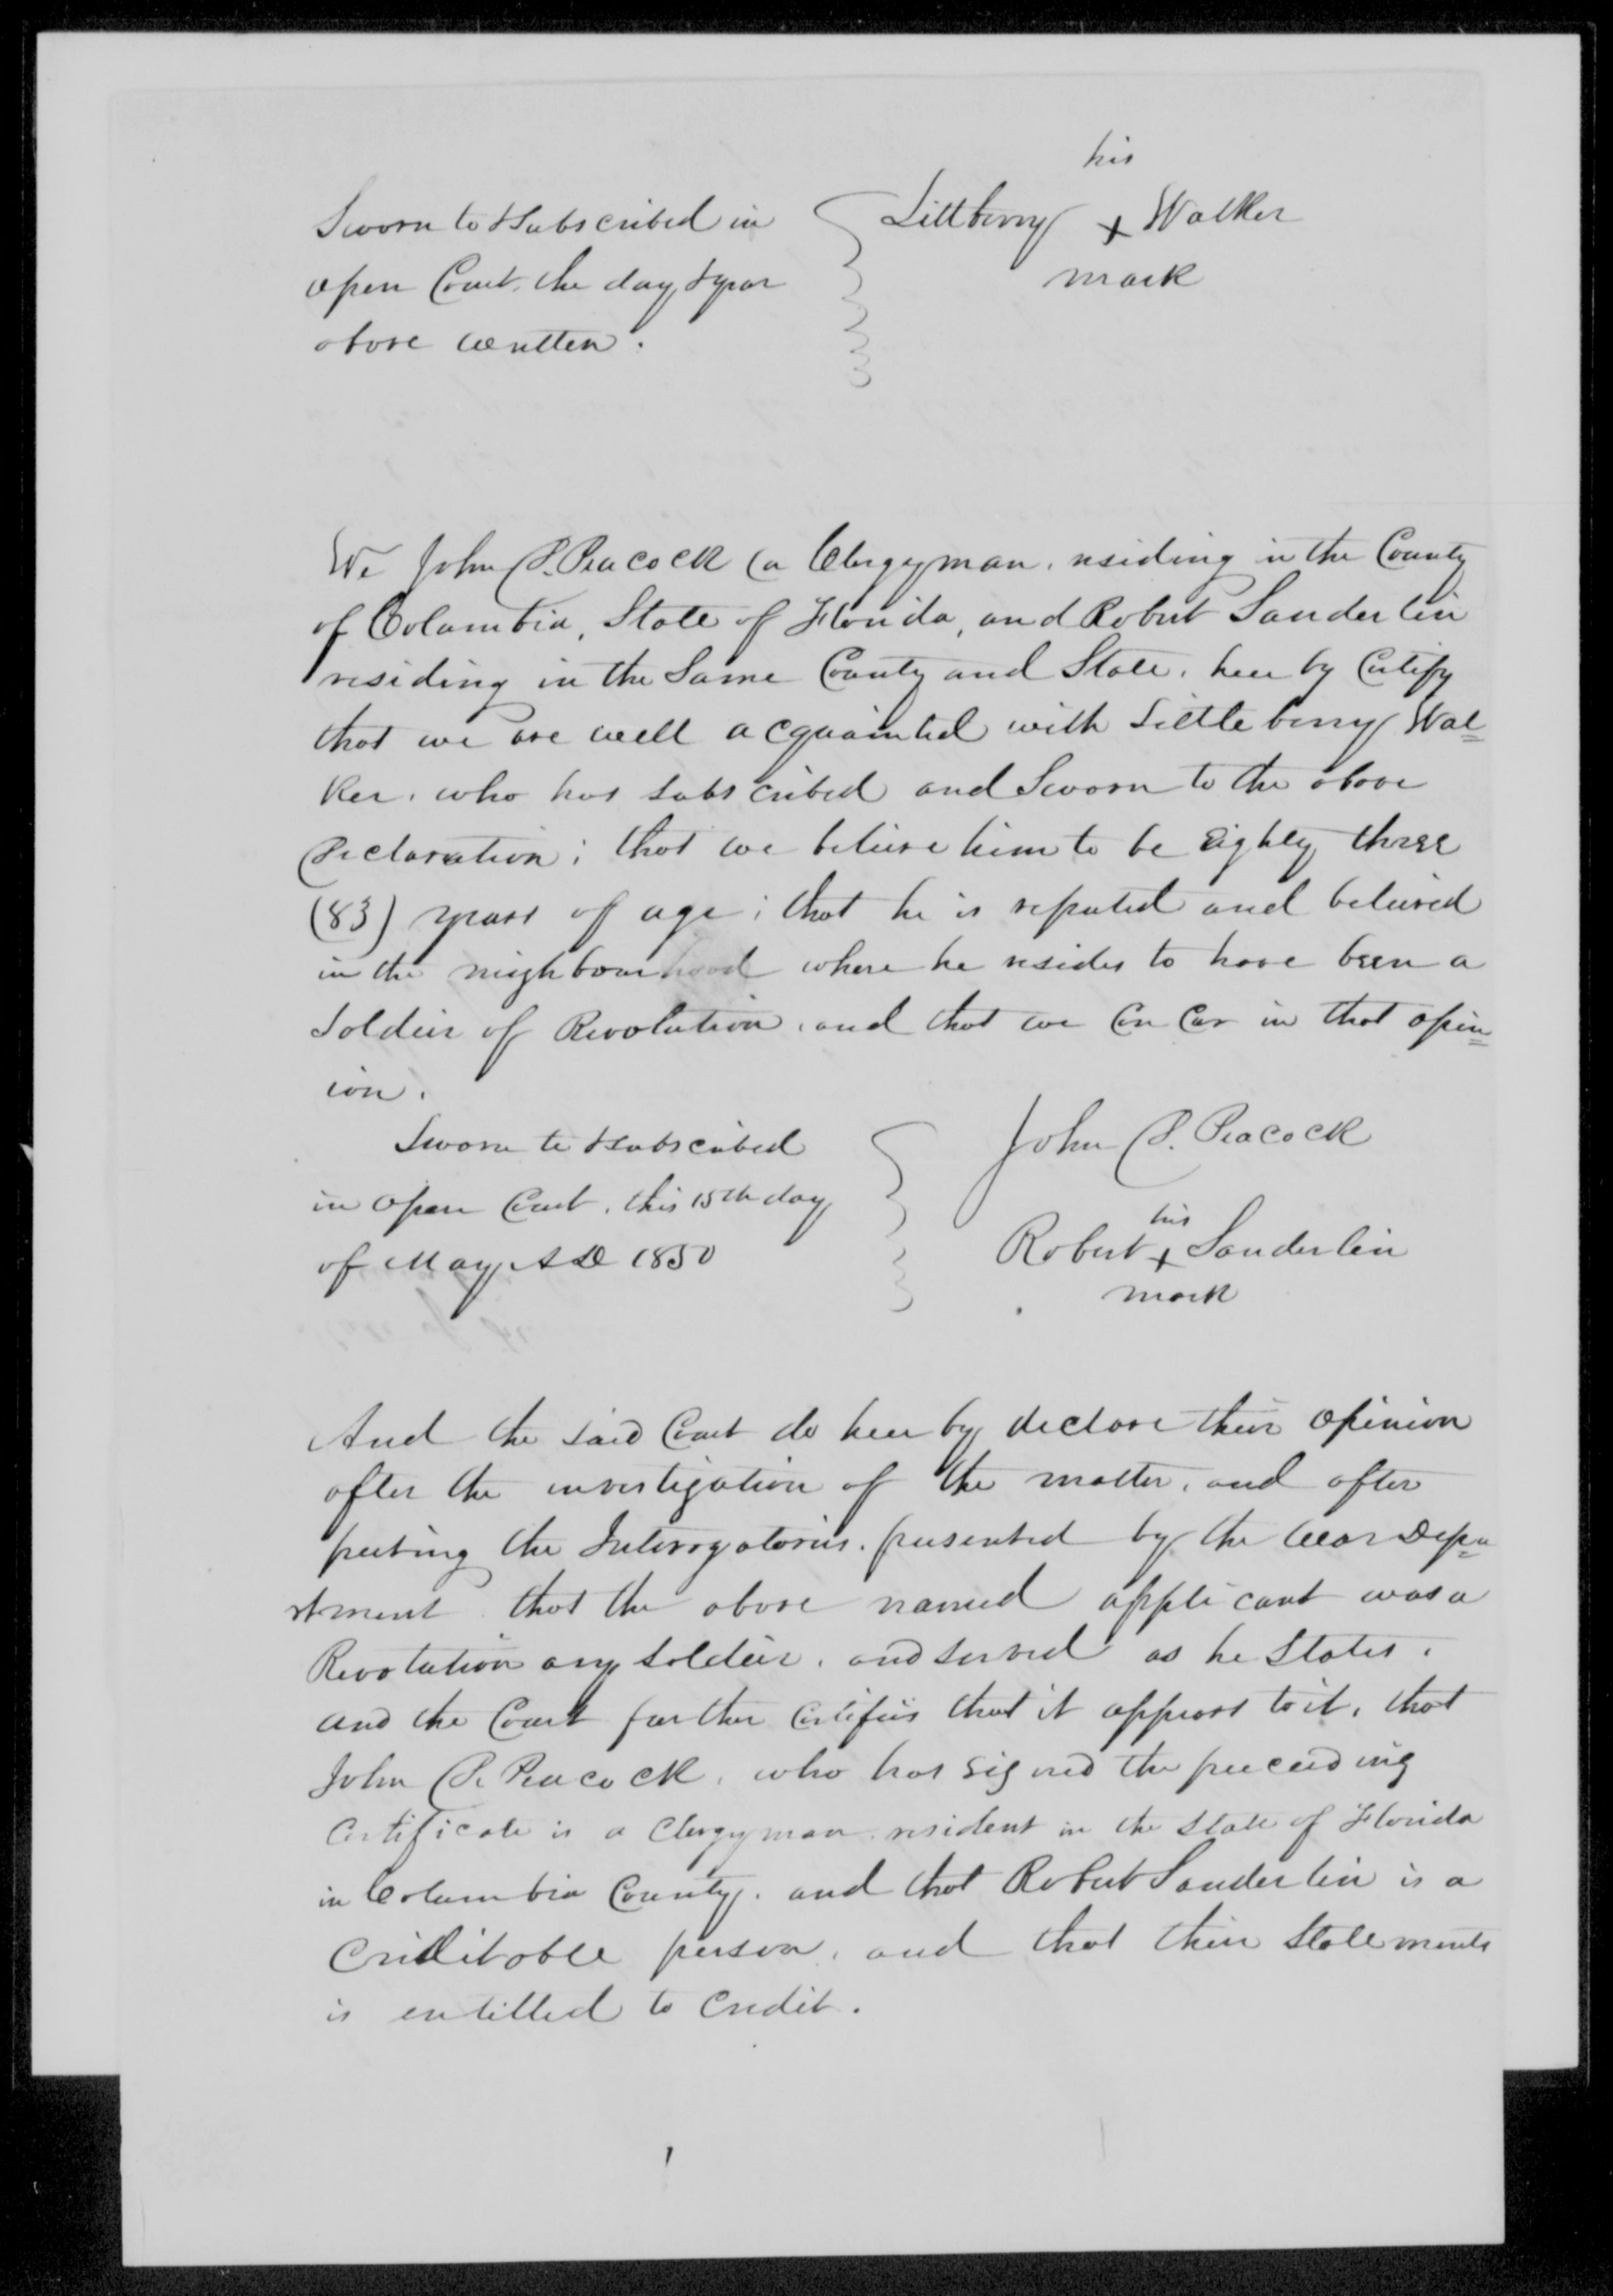We, John C. Peacock (a Clergyman residing in the County of Columbia, State of Florida) and Robert Sanderlien residing in the same County and State, hereby certify that we are well acquainted with Littleberry Walker, who has subscribed and sworn to the above declaration: that we believe him to be eighty-three (83) years of age, that he is reputed and believed in the neighborhood where he resides to have been a soldier of Revolution and that we concur in that opinion.
Sworn to & subscribed
in open Court, this 15th day
of May AD 1850
John C. Peacock &
Robert Sanderlien
'X' (Mark)

And that said Court do hereby declare their opinion after the investigation of the matter and after perusing the Interrogations presented by the War Department that the above named applicant was a Revolutionary soldier and served as he states and the Court further certifies that it appears to wit that John C. Peacock who has signed the preceding certificate is a clergyman resident in the State of Florida in Columbia County and that Robert Sanderlien is a credible person and that their statements is entitled to credit.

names: Robert Sanderlin, Littberry Walker, Robert Sanderlin, Littleberry Walker, John D Peacock, John D Peacock, Robert Sanderlin, John D Peacock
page: 4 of 15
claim: rejected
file: R. 11045, Littleberry Walker, Ga.